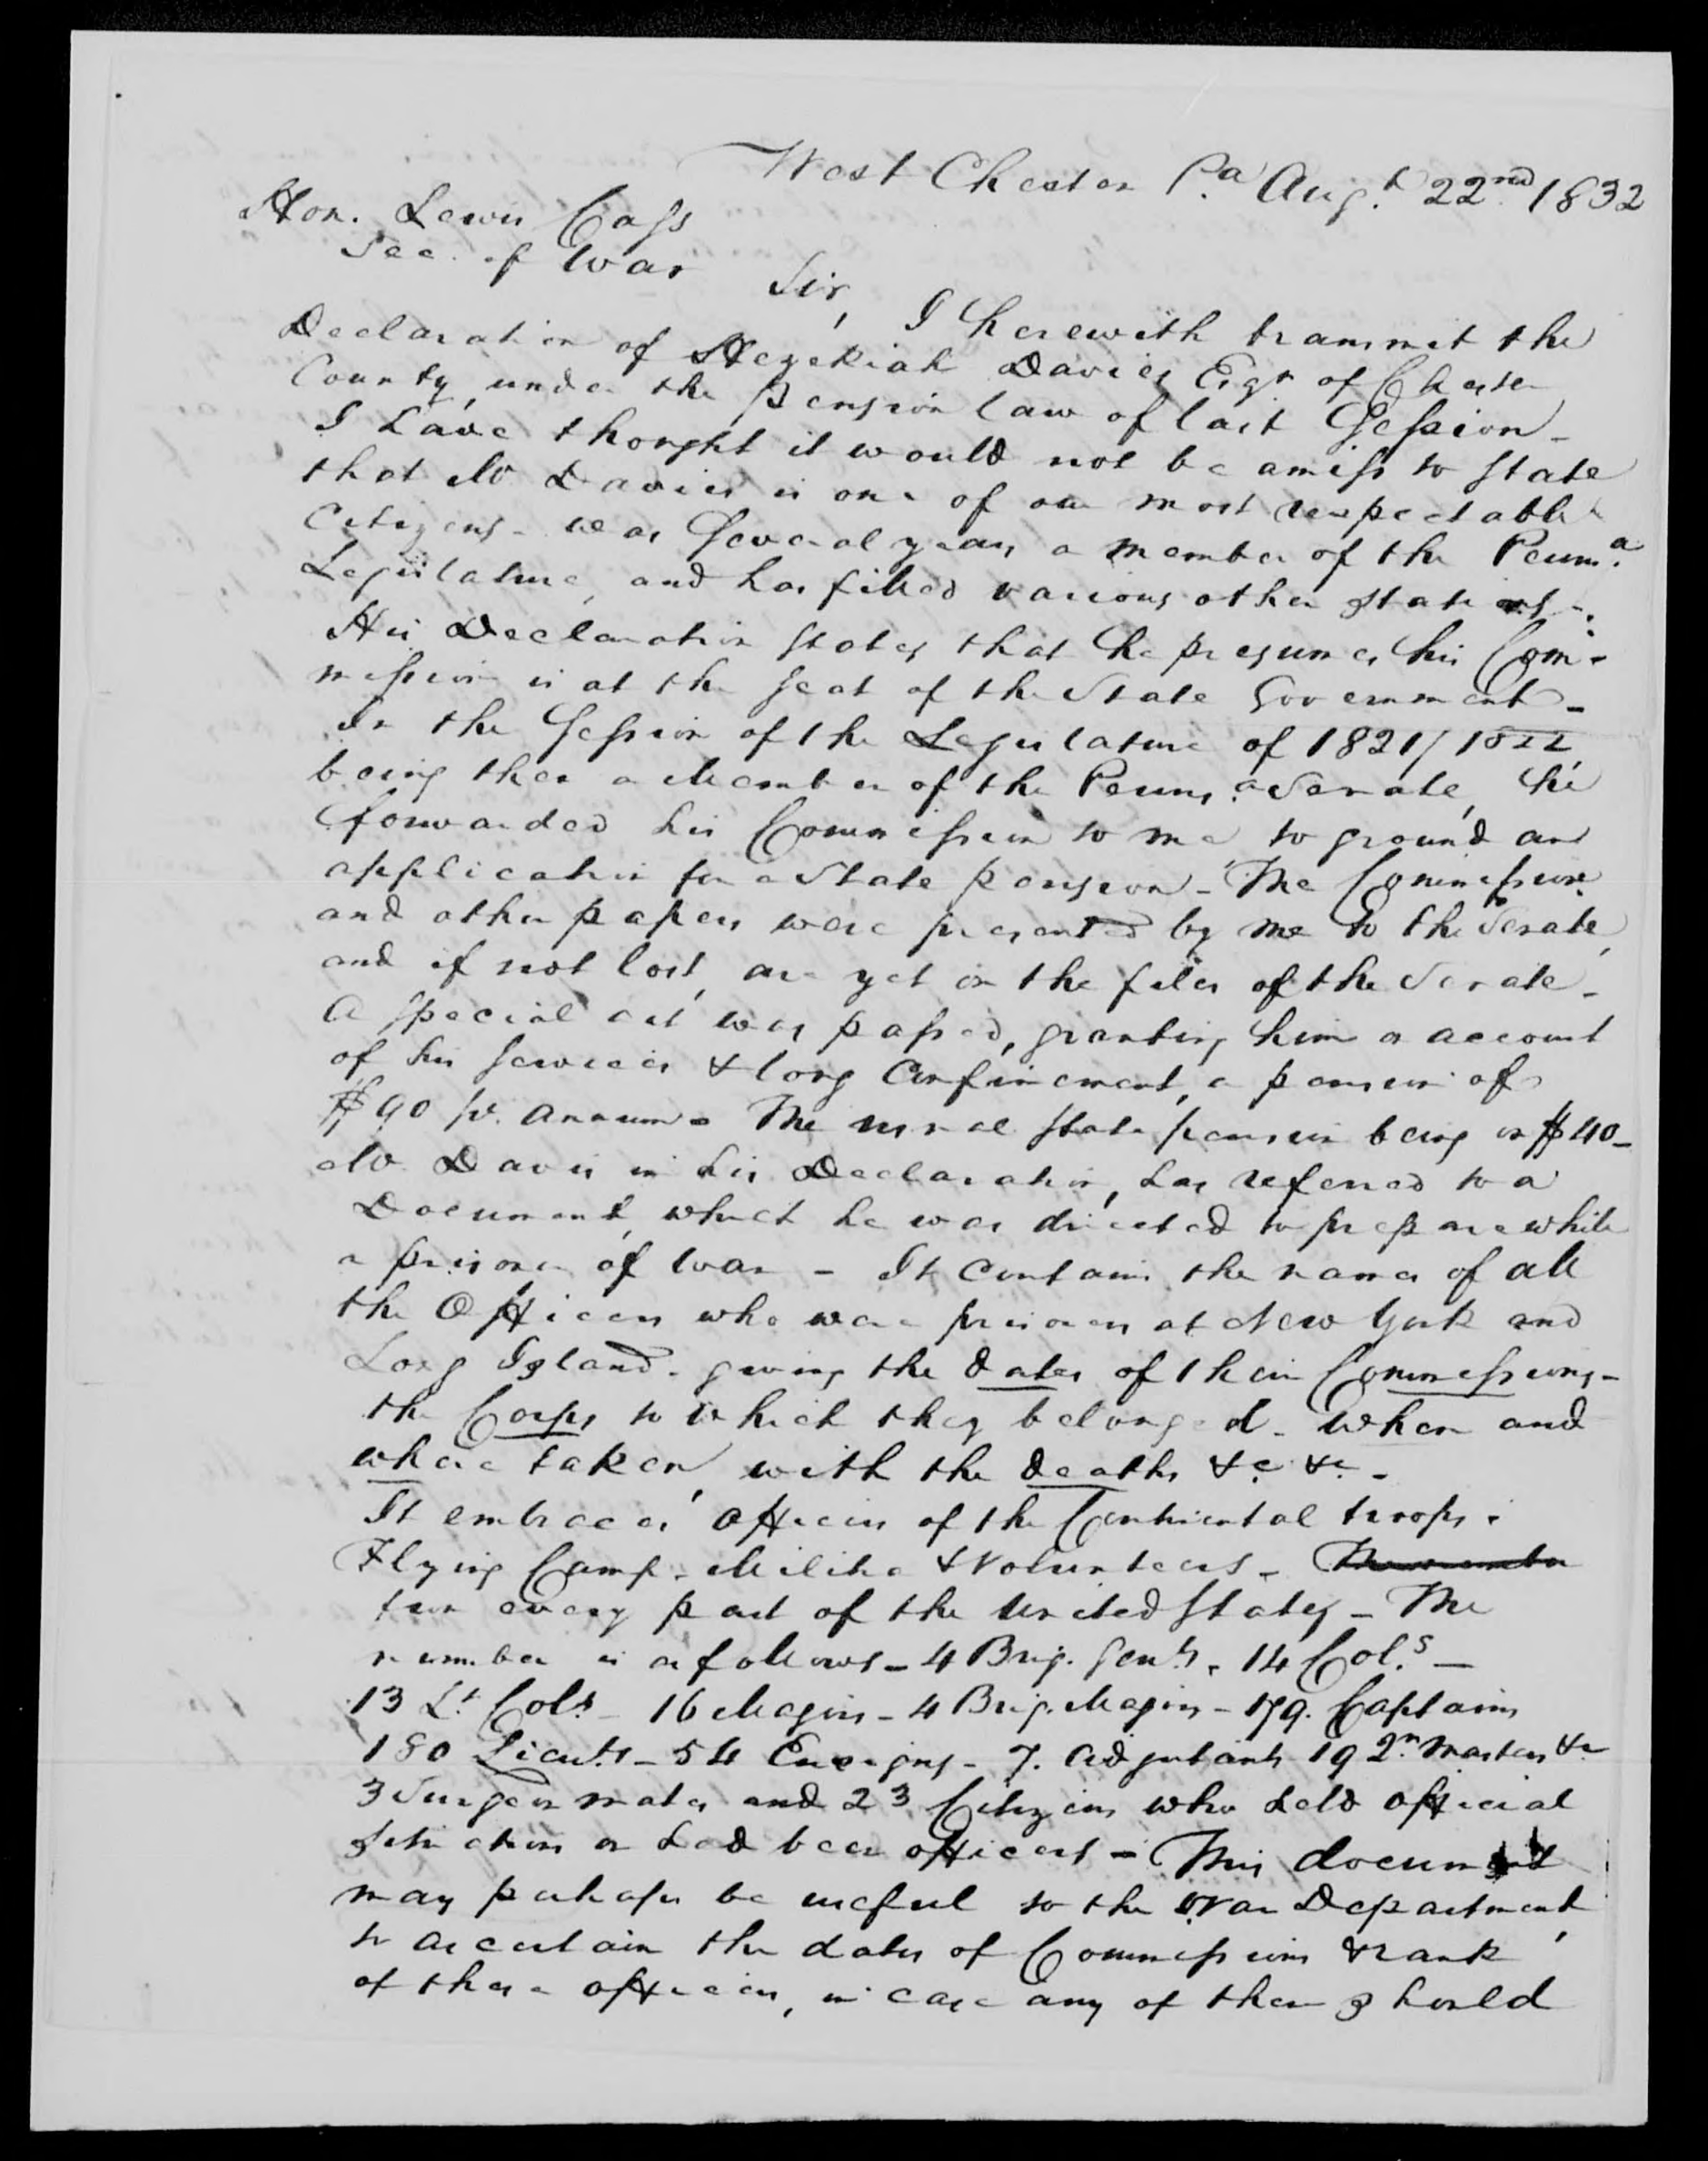West Chester Pa Aug 22nd 1832
Hon. Lewis Cass
Sec of War
Sir
I herewith transmit the
declaration of Hezekiah Davies Esqr of Chester
County, under the pension law of last Session
I have thought it would not be amiss to state
that to Davies is one of our most respectable citizens. 
was several years a member of the Penna
Legislature, and has filled various other states off [office].
His declaration states that he presumes his commission is at the seat of the State Government
In the Session of the Legislature of 1831/1832
being then a member of the Penna [Pennsylvania] Senate his
forwarded his commission to me to ground and
application for a State pension. The Commission
and other papers were presented by me to the Senate and if not lost are yet in the files of the Senate.
A special act was passed, granting him on account
of his services & long confinement, a pension of
$90 per annum.  The service State pension being is $40
W. Davis in his Declaration has referred a
Document which he was directed to prepare while a prisoner of war. It contains the names of all
the Officers who were prisoner at New York and
Long Island giving the dates of their Commissions
the corps to which they belonged when and
where taken with the deaths &c &c
It embraces Officers of the Continental troops
Flying Camp Militia & Volunteers,
from every part of the United States the
number is as follows - 4 Brig. Genls, 14 Cols. -
13 Lt Cols. - 16 Majirs [Majors] - 4 Brig. Majirs [Majors] - 179 Captains 180 Lieuts. - 54 Ensigns - 7 Adjutants 19 2n. Masters &c 3 Surgens [Surgeons] mates and 23 Citizens who held official Situations or had been officers - This document may perhaps be useful to the War Department to ascertain the dates of Commissions & rank of these officers in case any of them should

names: Davis, Hezekiah Davies, Lewis Cass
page: 41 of 57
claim: survivor's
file: S. 2161, Hezekiah Davies, Penn